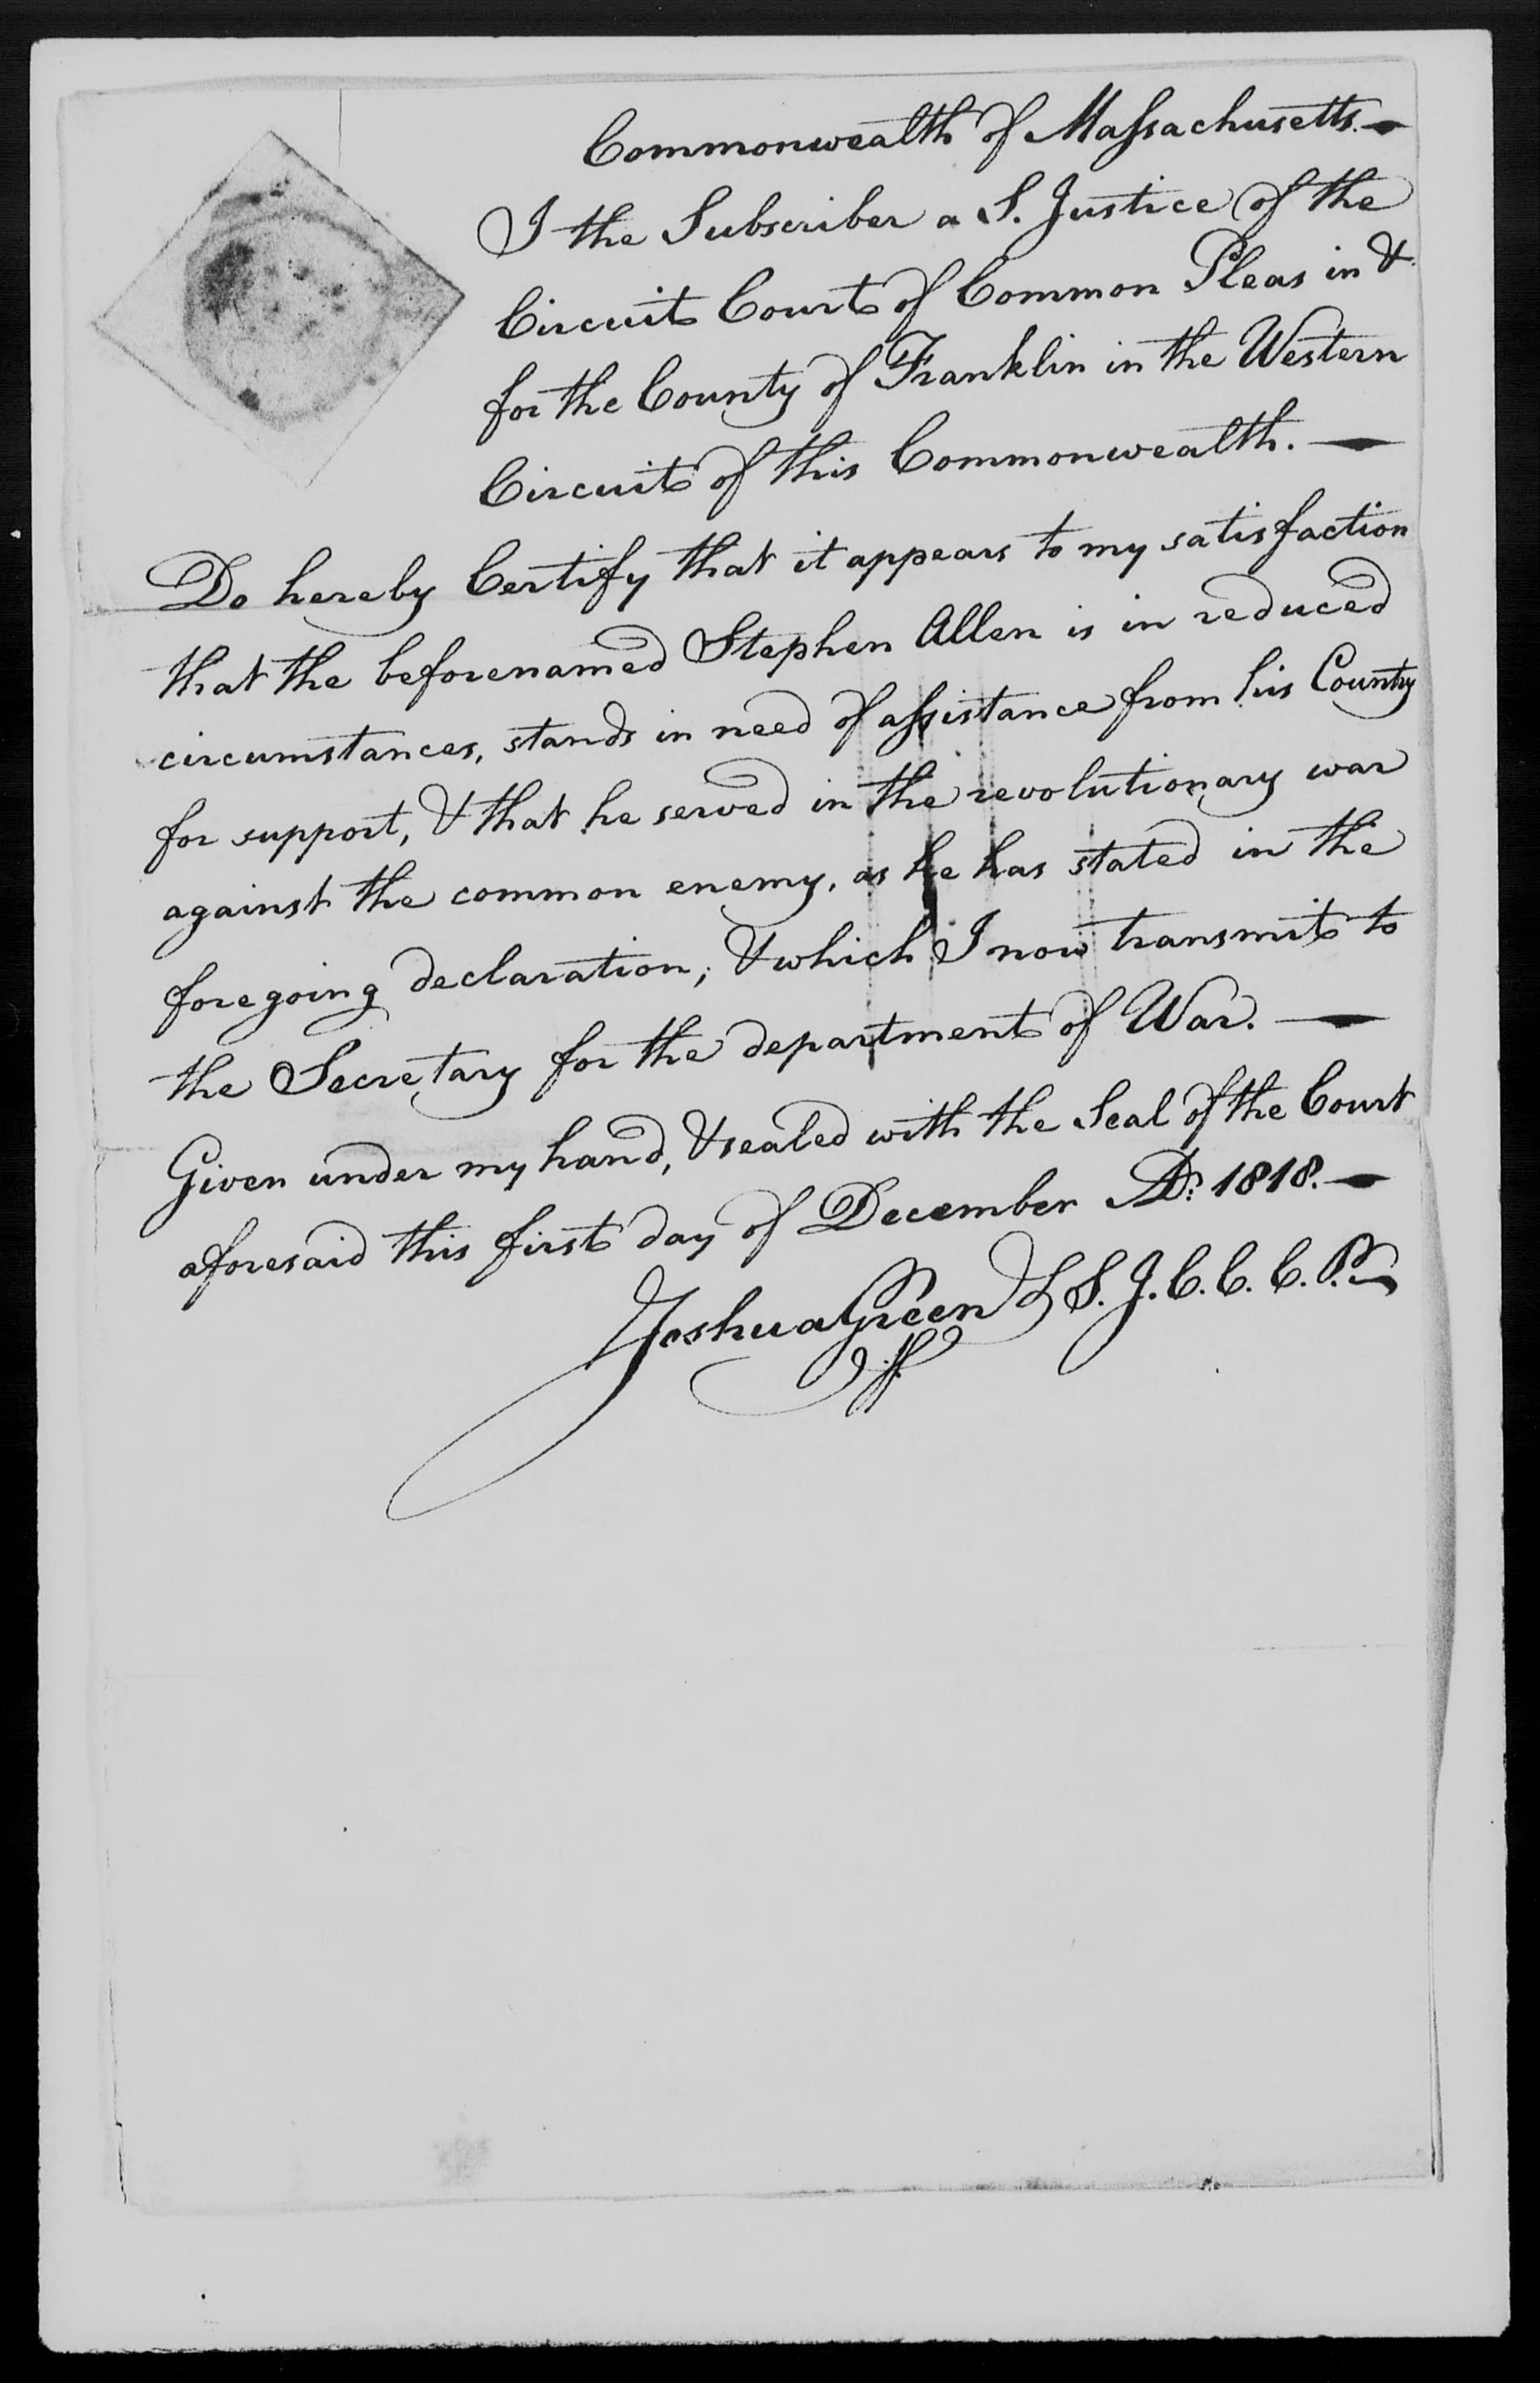Commonwealth of Massachusetts 
I the Subscriber on S. Justice of the District Courts of Common Please in & for the County of Franklin in the Western Circuits of this Commonwealth.
Do hereby certify that it appears to my satisfaction that the beforenamed Stephen Allen is in reduced circumstances, stands in the need of assistance from his County for support, & that he served in the revolutionary war against the common enemy, as he has stated in the foregoing declaration, & which I now transmit to the Secretary for the department of War.
Given under my hand, & sealed with the Seal of the Court aforesaid this first day of December 1818.
Joshua Green S. J. C. C. C. P.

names: Joshua Green, Stephen Allen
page: 4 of 30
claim: widow's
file: W. 23430., Stephen Allen, Continental Mass.